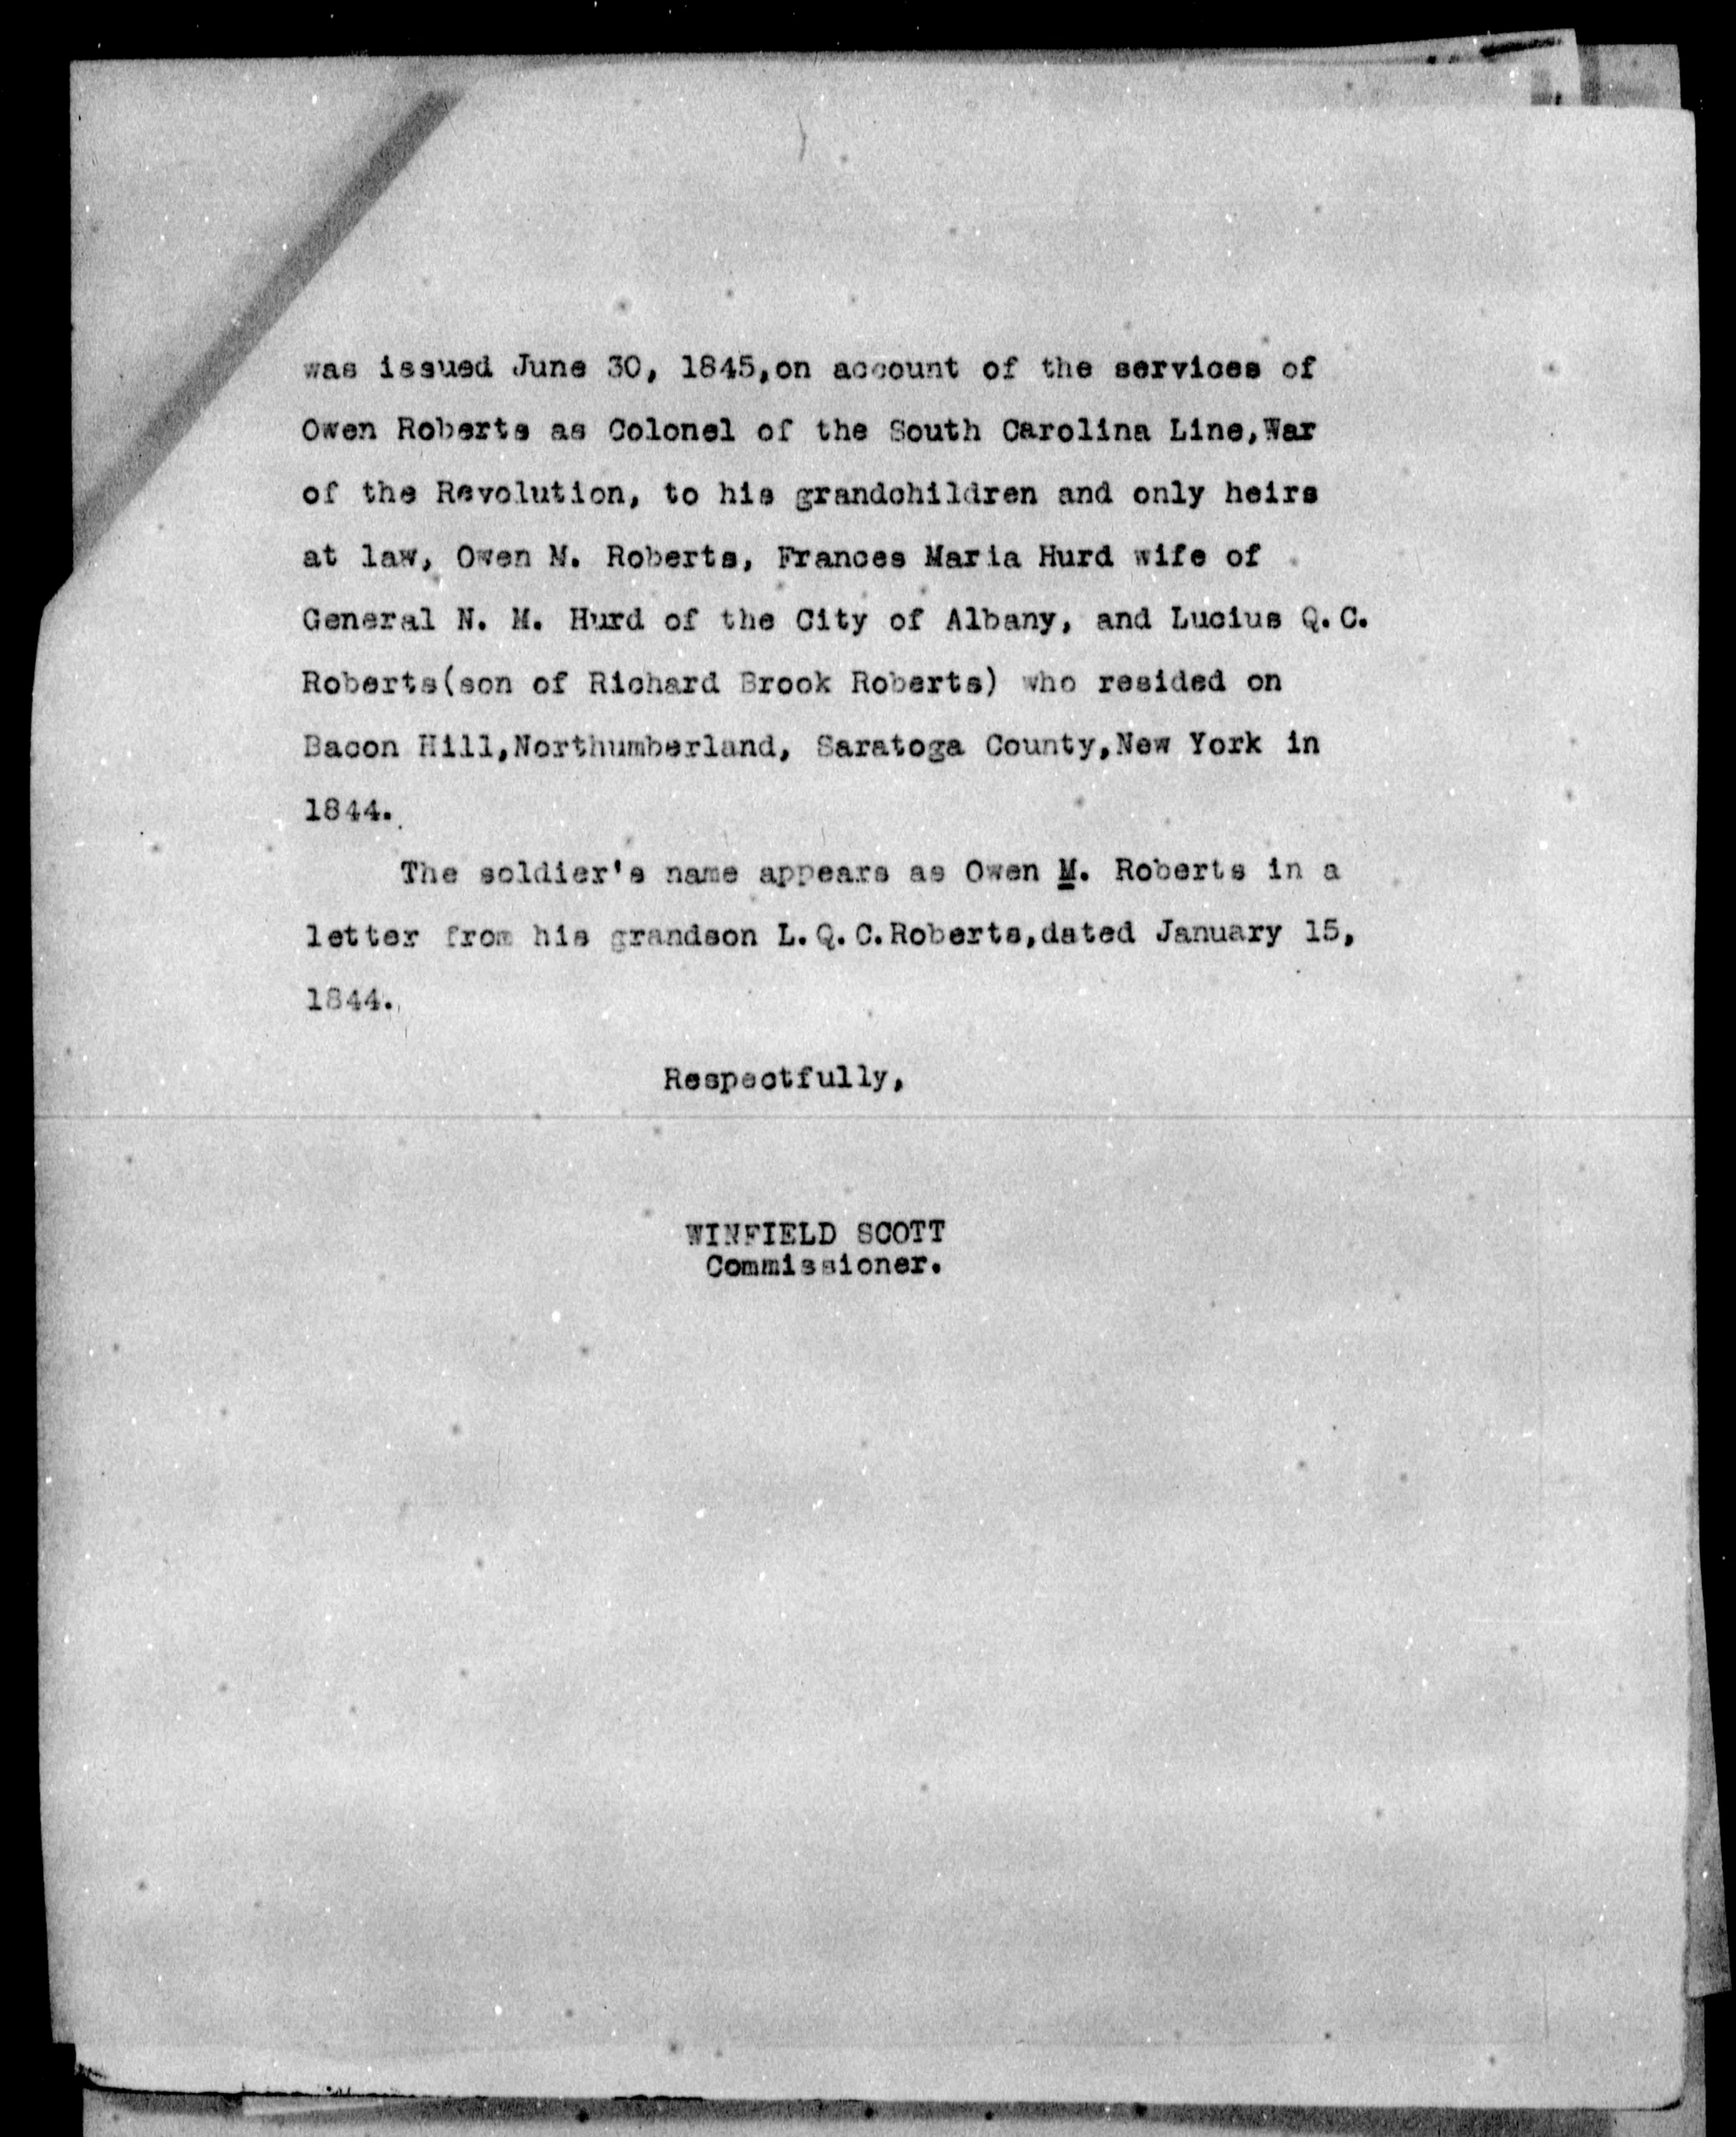was issued June 30, 1845, on account of the services of 
Owen Roberts as Colonel of the South Carolina Line, War
of the Revolution, to his grandchildren and only heirs
at law, Owen N. Roberts, Frances Maria Hurd wife of 
General N. H. Hurt of the City of Albany, and Lucius Q.C.
Roberts (son of Richard Brook Roberts) who resided on 
Bacon Hill, Northumberland, Saratoga County, New York in 
1844.

The soldier's name appears as Owen M. Roberts in a 
letter form his grandson L.Q.C. Roberts, dated January 15,
1844.

Respectfully,


WINFIELD SCOTT
Commissioner.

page: 14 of 59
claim: bounty land warrant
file: B.L.Wt. 2359-500, for Owen Roberts, South Carolina